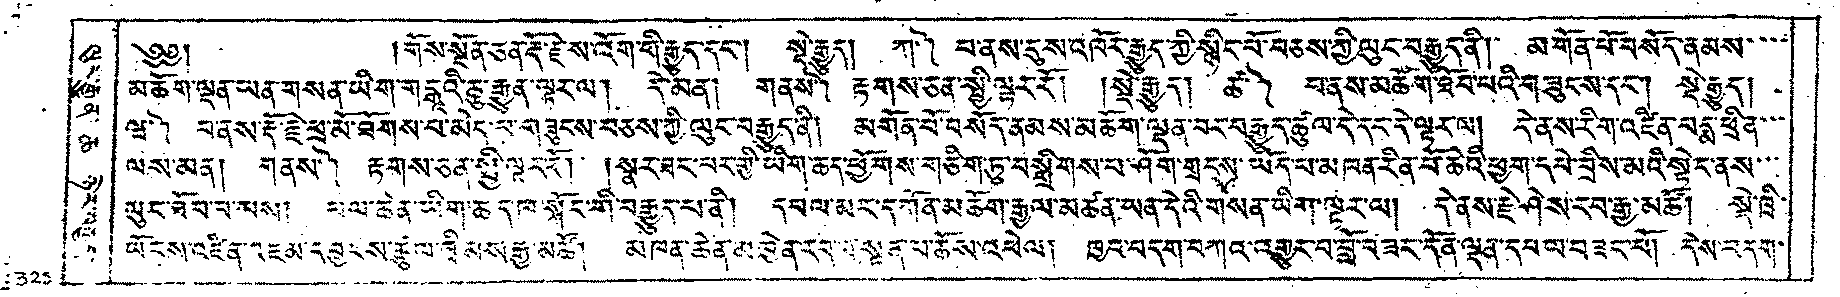༄༅། །གོས་སྔོན་ཅན་རྡོ་རྗེ་ས་འོག་གི་རྒྱུད་དང་། སྡེ་རྒྱུད། ཀ྄་པ་ནས་དུས་འཁོར་རྒྱུད་ཀྱི་སྙིང་པོ་བཅས་ཀྱི་ལུང་བརྒྱུད་ནི། མགོན་པོ་བསོད་ནམས་
མཆོག་ལྡན་ཡན་གསན་ཡིག་གངྒཱའི་ཆུ་རྒྱུན་ལྟར་ལ། དེ་མན། གནས྄་རྟགས་ཅན་སྤྱི་ལྟར་རོ། །སྡེ་རྒྱུད། ཚ྄་པ་ནས་མཆོག་ཐོབ་པའི་གཟུངས་དང་། སྡེ་རྒྱུད།
ཝ྄་པ་ནས་རྡོ་རྗེ་ཕྲ་མོ་ཐོགས་པ་མེད་པ་གཟུངས་བཅས་ཀྱི་ལུང་བརྒྱུད་ནི། མགོན་པོ་བསོད་ནམས་མཆོག་ལྡན་བར་བརྒྱུད་ཚུལ་དེ་དང་དེ་ལྟར་ལ། དེ་ནས་རིག་འཛིན་པདམ་ཕྲིན་
ལས་མན། གནས྄་རྟགས་ཅན་སྤྱི་ལྟར་རོ། །སྣར་ཐང་པར་གྱི་ཡིག་ཆད་ཕྱོགས་གཅིག་ཏུ་བསྒྲིགས་པ་ཤོག་གྲངས ༢༩་ཡོད་པ་མཁན་རིན་པོ་ཆེའི་ཕྱག་དཔེ་བྲིས་མའི་སྟེང་ནས་
ལུང་ཐོབ་པ་ལས། ཕལ་ཆེན་ཡིག་ཆད་ཁ་སྐོང་གི་བརྒྱུད་པ་ནི། དཔལ་མང་དཀོན་མཆོག་རྒྱལ་མཚན་ཡན་དེའི་གསན་ཡིག་ལྟར་ལ། དེ་ནས་རྗེ་ཤེས་རབ་རྒྱ་མཚོ། སྡེ་ཁྲི་
ཡོངས་འཛིན་འཇམ་དབྱངས་ཚུལ་ཁྲིམས་རྒྱ་མཚོ། མཁན་ཆེན་མཁྱེན་རབ་བསྟན་པ་ཆོས་འཕེལ། ཁྱབ་བདག་བཀའ་འགྱུར་བ་བློ་བཟང་དོན་ལྡན་དཔལ་བཟང་པོ། དེས་བདག་